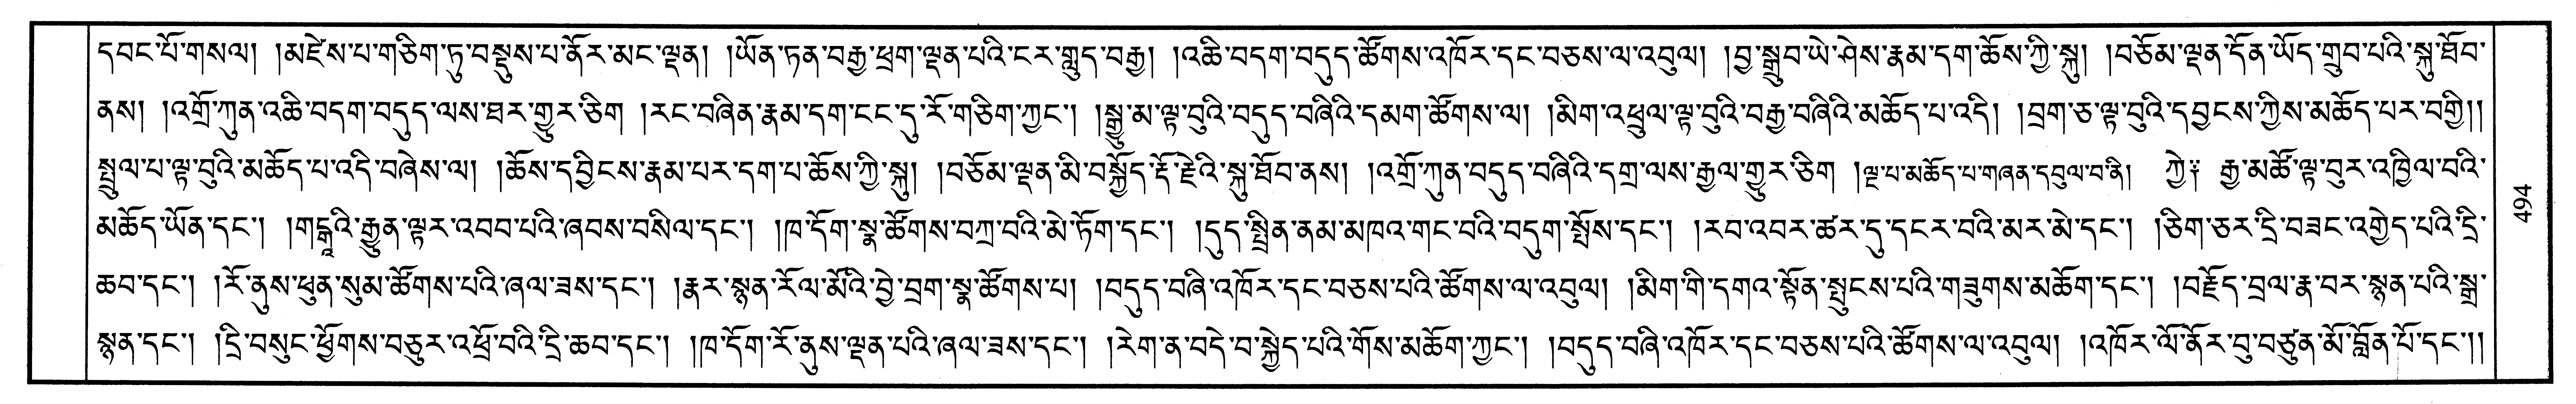དབང་པོ་གསལ། །མཛེས་པ་གཅིག་ཏུ་བསྡུས་པ་ནོར་མང་ལྡན། །ཡོན་ཏན་བརྒྱ་ཕྲག་ལྡན་པའི་ངར་གླུད་བརྒྱ། །འཆི་བདག་བདུད་ཚོགས་འཁོར་དང་བཅས་ལ་འབུལ། །བྱ་སྒྲུབ་ཡེ་ཤེས་རྣམ་དག་ཆོས་ཀྱི་སྐུ། །བཅོམ་ལྡན་དོན་ཡོད་གྲུབ་པའི་སྐུ་ཐོབ་
ནས། །འགྲོ་ཀུན་འཆི་བདག་བདུད་ལས་ཐར་གྱུར་ཅིག །རང་བཞིན་རྣམ་དག་ངང་དུ་རོ་གཅིག་ཀྱང་། །སྒྱུ་མ་ལྟ་བུའི་བདུད་བཞིའི་དམག་ཚོགས་ལ། །མིག་འཕྲུལ་ལྟ་བུའི་བརྒྱ་བཞིའི་མཆོད་པ་འདི། །བྲག་ཅ་ལྟ་བུའི་དབྱངས་ཀྱིས་མཆོད་པར་བགྱི།།
སྤྲུལ་པ་ལྟ་བུའི་མཆོད་པ་འདི་བཞེས་ལ། །ཆོས་དབྱིངས་རྣམ་པར་དག་པ་ཆོས་ཀྱི་སྐུ། །བཅོམ་ལྡན་མི་བསྐྱོད་རྡོ་རྗེའི་སྐུ་ཐོབ་ནས། །འགྲོ་ཀུན་བདུད་བཞིའི་དགྲ་ལས་རྒྱལ་གྱུར་ཅིག །ལྔ་པ་མཆོད་པ་གཞན་དབུལ་བ་ནི། ཀྱེ༈ རྒྱ་མཚོ་ལྟ་བུར་འཁྱིལ་བའི་
མཆོད་ཡོན་དང་། །གངྒཱའི་རྒྱུན་ལྟར་འབབ་པའི་ཞབས་བསིལ་དང་། །ཁ་དོག་སྣ་ཚོགས་བཀྲ་བའི་མེ་ཏོག་དང་། །དུད་སྤྲིན་ནམ་མཁའ་གང་བའི་བདུག་སྤོས་དང་། །རབ་འབར་ཚར་དུ་དངར་བའི་མར་མེ་དང་། །ཅིག་ཅར་དྲི་བཟང་འགྱེད་པའི་དྲི་
ཆབ་དང་། །རོ་ནུས་ཕུན་སུམ་ཚོགས་པའི་ཞལ་ཟས་དང་། །རྣར་སྙན་རོལ་མོའི་བྱེ་བྲག་སྣ་ཚོགས་པ། །བདུད་བཞི་འཁོར་དང་བཅས་པའི་ཚོགས་ལ་འབུལ། །མིག་གི་དགའ་སྟོན་སྤུངས་པའི་གཟུགས་མཆོག་དང་། །བརྗོད་བྲལ་རྣ་བར་སྙན་པའི་སྒྲ་
སྙན་དང་། །དྲི་བསུང་ཕྱོགས་བཅུར་འཕྲོ་བའི་དྲི་ཆབ་དང་། །ཁ་དོག་རོ་ནུས་ལྡན་པའི་ཞལ་ཟས་དང་། །རེག་ན་བདེ་བ་སྐྱེད་པའི་གོས་མཆོག་ཀྱང་། །བདུད་བཞི་འཁོར་དང་བཅས་པའི་ཚོགས་ལ་འབུལ། །འཁོར་ལོ་ནོར་བུ་བཙུན་མོ་བློན་པོ་དང།།